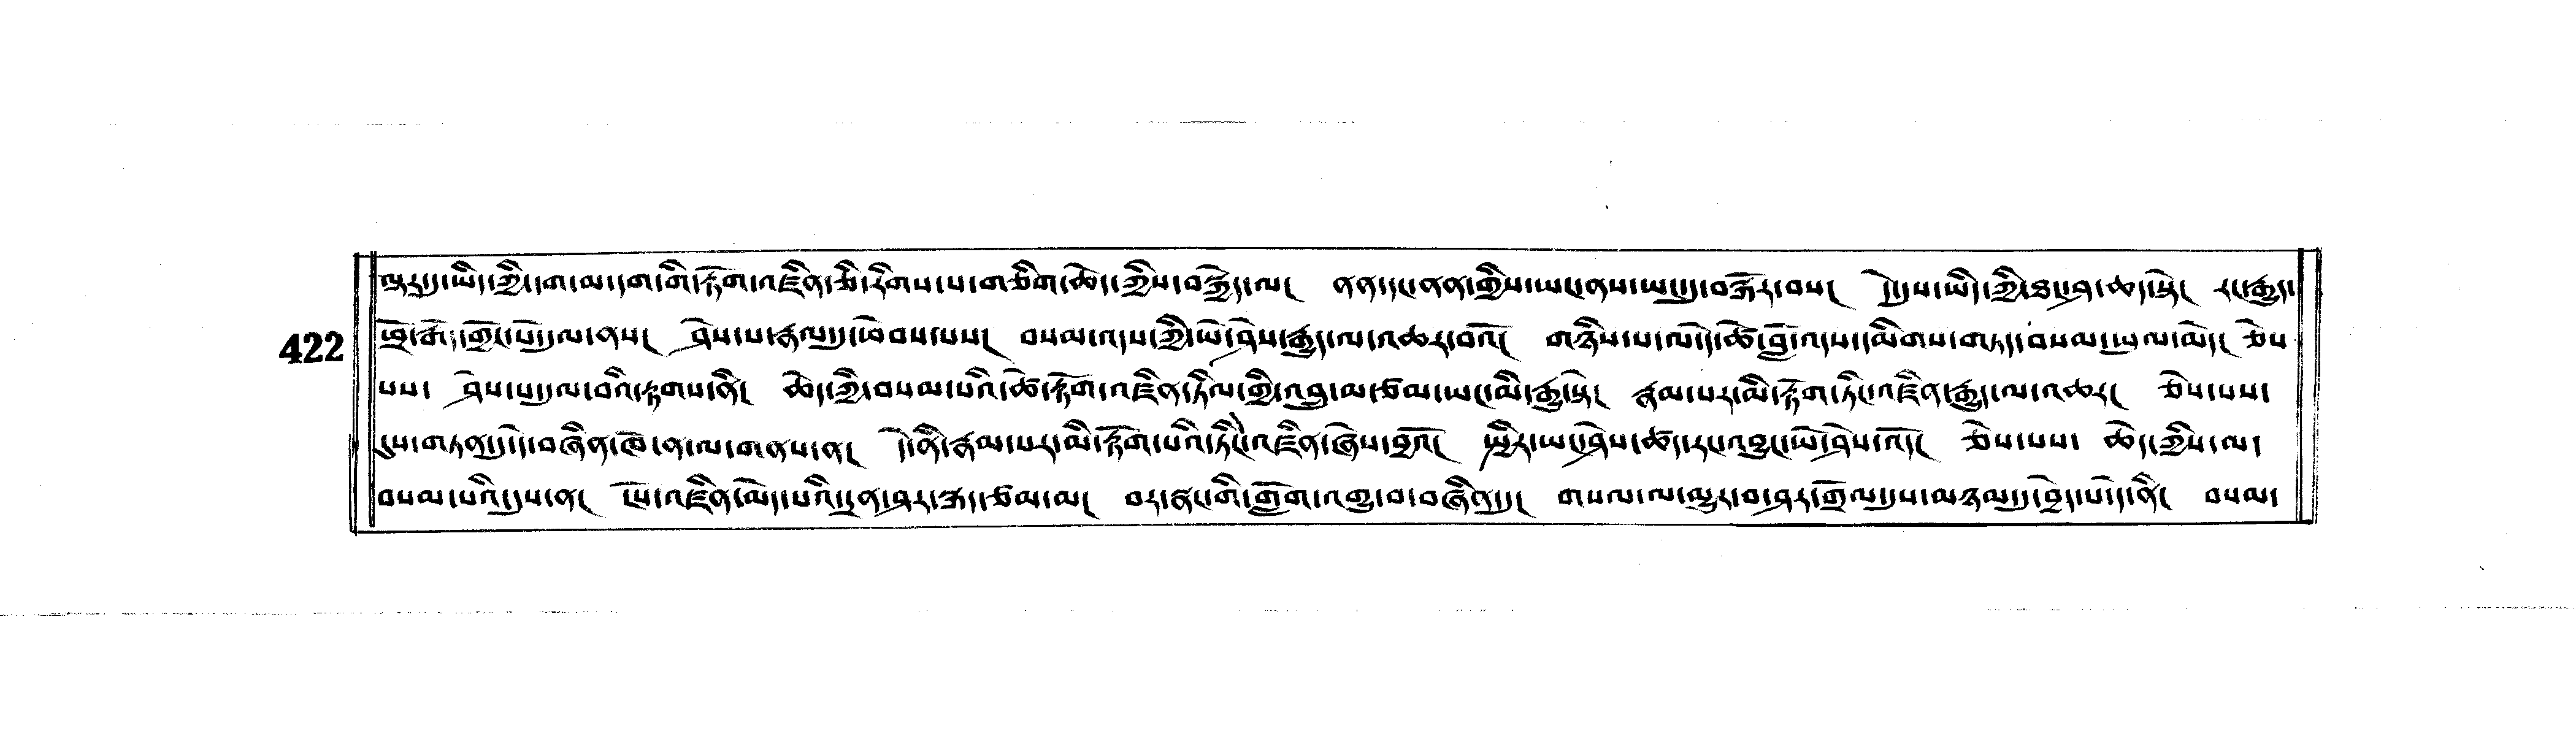ལྟར་དུ་ཡིད་ཀྱིས་དག་མ་དག་གི་རྟོག་འཛིན་ཅི་རིགས་པ་གཅིག་ཆེད་ཀྱིས་བསྐྱེད་ལ། ནན་དང་ནན་གྱིས་ཡང་དང་ཡང་ནས་བསྐོར་བས། དེ་དུས་ཡིད་ཀྱི་ཐང་ཤ་ཆད་དེ། རང་རྒྱུད་
འཕྲོ་རྒོད་གྱོང་པོ་དུལ་ནས། ཤེས་པ་རྣལ་དུ་ཕེབས་པས། བསམ་འདས་ཀྱི་ཡེ་ཤེས་རྒྱུད་ལ་འཆར་བའོ། གཉིས་པ་ལ་དེ་ཚེ་བློ་འདས་དམིགས་གཏད་བསམ་ཡུལ་མེད། ཅེས་
པས། ཤེས་པ་དུལ་བའི་རྟགས་ནི། ཆེད་ཀྱི་བསམ་པའི་ཚེ་རྟོག་འཛིན་གྱི་ཏིལ་འབྲུ་ཙམ་ཡང་མི་རྒྱུ་སྟེ། རྣམ་པར་མི་རྟོག་ཏིང་འཛིན་རྒྱུད་ལ་འཆར། ཅེས་པས། 
དུས་གཏན་དུ་དེ་བཞིན་ཁོ་ན་ལ་གནས་ན། དེ་ནི་རྣམ་པར་མི་རྟོག་པའི་ཏིང་ངེ་འཛིན་ཞེས་བྱའོ། སྤྱིར་ཡང་ཤེས་ཚད་རང་འབྱུང་ཡེ་ཤེས་འོད། ཅེས་པས། ཆེད་ཀྱི་མ་
བསམ་པའི་དུས་ན། ངོས་འཛིན་མེད་པའི་དྲན་ཤར་སྐད་ཙམ་ལ། བར་སྣང་གི་གློག་འགྱུ་བ་བཞིན་དུ། གསལ་ལ་མྱུར་བ་ཤར་གྲོལ་དུས་མཉམ་དུ་བྱེད་པ་དེ་ནི། བསམ་